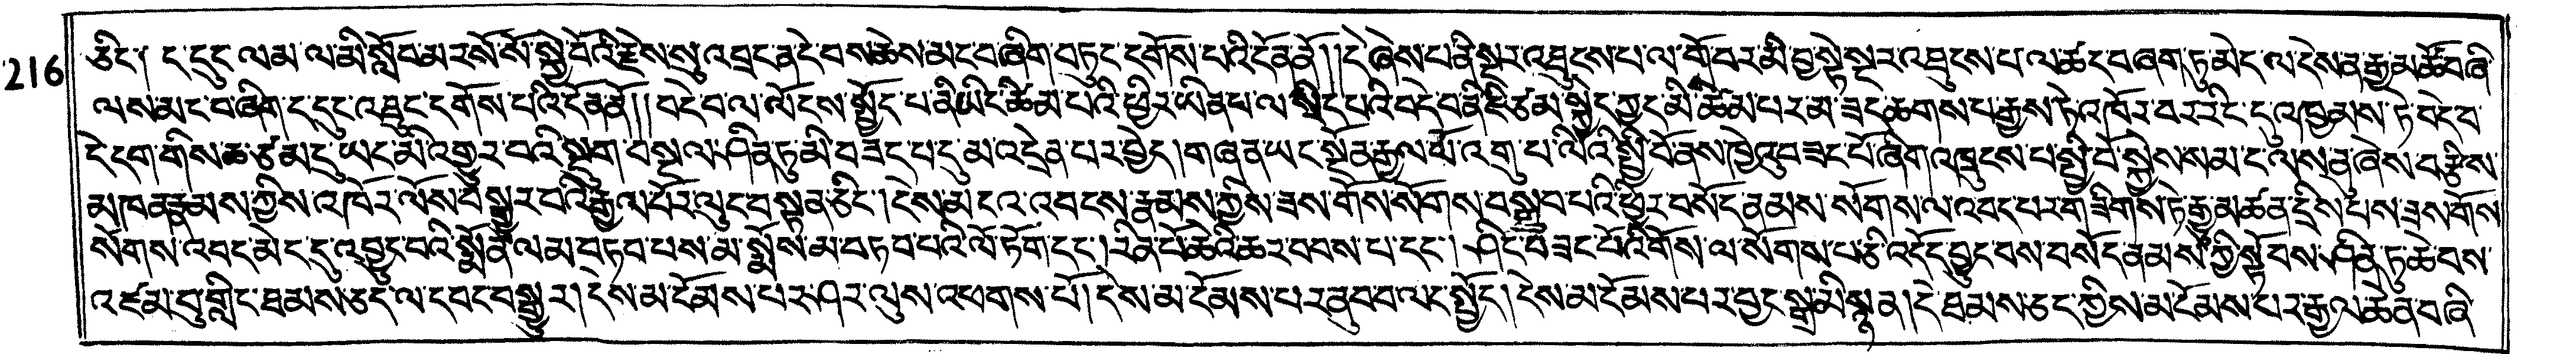ཅིང༑ ད་དུང་ལམ་ལ་མི་སློབ་མར་སོ་སོ་སྐྱེ་བོའི་རྗེས་སུ་འབྲང་ན་དེ་བས་ཆེས་མང་བ་ཞིག་བཏུང་དགོས་པའི་དོན་ནོ། །དེ་ཞེས་པ་ནི་སྔར་འཐུངས་པ་ལ་གོ་བར་མི་བྱ་སྟེ་སྔར་འཐུངས་པ་ལ་ཚད་བཞག་ཏུ་མེད་ལ་དེས་ན་རྒྱ་མཚོ་བཞི་
ལས་མང་བ་ཞིག་ད་དུང་འཐུང་དགོས་པའི་དོན་ནོ། །བདེ་བ་ལ་ལོངས་སྤྱོད་པ་ནི་ཡིད་ཚིམ་པའི་ཕྱིར་ཡིན་པ་ལ་སྲིད་པའི་བདེ་བ་ནི་ཇི་ཙམ་སྐྱེད་ཀྱང་མི་ཚིམ་པར་མ་ཟད་ཆགས་པ་རྒྱས་ཏེ་འཁོར་བར་རིང་དུ་འཁྱམས་ཏེ་བདེ་བ་
དེ་དག་གིས་ཆ་ཙམ་དུ་ཡང་མི་འགྱུར་བའི་སྡུག་བསྔལ་ཤིན་ཏུ་མི་བཟད་པ་དུ་མ་འདྲེན་པར་བྱེད། གཞན་ཡང་སྔོན་རྒྱལ་པོ་འགུ་པ་ལིའི་སྤྱི་བོ་ནས་ཁྱེའུ་བཟང་པོ་ཞིག་འཁྲུངས་པ་སྤྱི་བོ་སྐྱེས་སམ་ང་ལས་ནུ་ཞེས་བརྩིས་
མཁན་རྣམས་ཀྱིས་འཁོར་ལོས་བསྒྱུར་བའི་རྒྱལ་པོར་ལུང་བསྟན་ཅིང་། དེས་མངའ་འབངས་རྣམས་ཀྱིས་ཟས་གོས་སོགས་བསྒྲུབ་པའི་ཕྱིར་བསོད་ནམས་སོགས་ལ་འབད་པར་གཟིགས་ཏེ་རྒྱུ་མཚན་དྲིས་པས་ཟས་གོས་
སོགས་འབད་མེད་དུ་འབྱུང་བའི་སྨོན་ལམ་བཏབ་པས་མ་སྨོས་མ་བཏབ་པའི་ལོ་ཏོག་དང་། རིན་པོ་ཆེའི་ཆར་བབས་པ་དང་། ཤིང་བཟང་པོའི་གོས་ལ་སོགས་པ་ཅི་འདོད་བྱུང་བས་བསོད་ནམས་ཀྱི་སྟོབས་ཤིན་ཏུ་ཆེ་བས་
འཛམ་བུ་གླིང་ཐམས་ཅད་ལ་དབང་བསྒྱུར། དེས་མ་ངོམས་པར་ཤར་ལུས་འཕགས་པོ། དེས་མ་ངོམས་པར་ནུབ་བ་ལང་སྤྱོད། དེས་མ་ངོམས་པར་བྱང་སྒྲ་མི་སྙན། དེ་ཐམས་ཅད་ཀྱིས་མ་ངོམས་པར་རྒྱལ་ཆེན་བཞི་